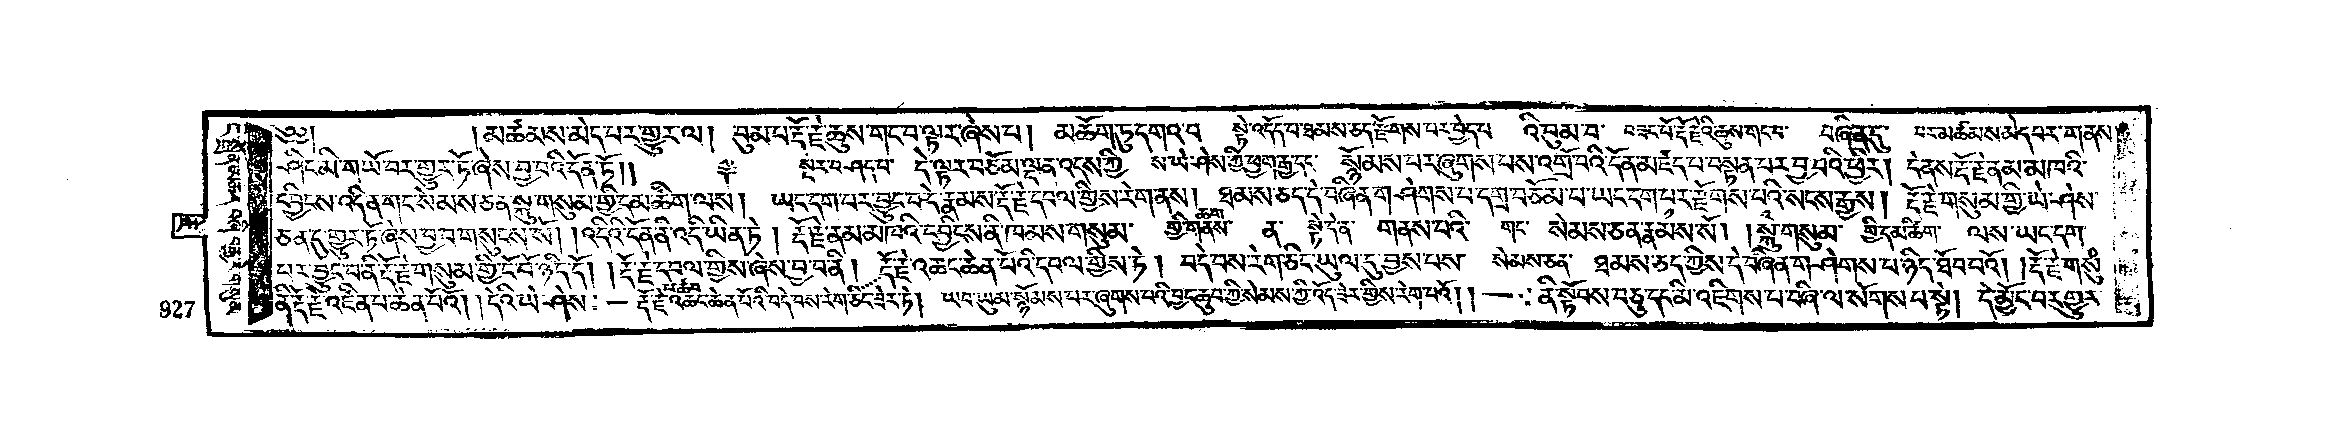༄༅། །མཚམས་མེད་པར་གྱུར་ལ། བུམ་པ་རྡོ་རྗེ་ཆུས་གང་བ་ལྟར་ཞེས་པ། མཆོག་ཏུ་དགའ་བ་སྟེ་འདོད་པ་ཐམས་ཅད་རྫོགས་པར་བྱེད་པའི་བུམ་པ་བཟང་པོ་རྡོ་རྗེའི་ཆུས་གང་བ་བཞིན་དུ་བར་མཚམས་མེད་པར་གནས
ཤིང་མི་གཡོ་བར་གྱུར་ཏོ་ཞེས་བྱ་བའི་དོན་ཏོ།། ༈ སྔར་བཤད་པ་དེ་ལྟར་བཅོམ་ལྡན་འདས་ཀྱིས་ཡེ་ཤེས་ཀྱི་ཕྱག་རྒྱ་དང་སྙོམས་པར་ཞུགས་པས་འགྲོ་བའི་དོན་མཛད་པ་བསྟན་པར་བྱ་བའི་ཕྱིར། དེ་ནས་རྡོ་རྗེ་ནམ་མཁའི་དབྱིངས་འདི་ན་གང་སེམས་ཅན་སྐུ་གསུམ་གྱི་དམ་ཚིག་ལས། ཡང་དག་པར་བྱུང་བ་དེ་རྣམས་རྡོ་རྗེ་དཔལ་གྱིས་རེག་ནས། ཐམས་ཅད་དེ་བཞིན་གཤེགས་པ་དགྲ་བཅོམ་པ་ཡང་དག་པར་རྫོགས་པའི་སངས་རྒྱས། རྡོ་རྗེ་གསུམ་གྱི་ཡེ་ཤེས་
ཅན་དུ་གྱུར་ཏོ་ཞེས་བྱ་བ་གསུངས་སོ། །འདིའི་དོན་ནི་འདི་ཡིན་ཏེ། རྡོ་རྗེ་ནམ་མཁའི་དབྱིངས་ནི་ཁམས་གསུམ་གྱི་གནས་ཆག་ན་སྟེ་དེ་ན་གནས་པའི་གང་སེམས་ཅན ༡་རྣམས་སོ། །༢་སྐུ་གསུམ་གྱི་དམ་ཚིག་ལས་ཡང་དག་
པར་བྱུང་བ་ནི་རྡོ་རྗེ་གསུམ་གྱི་ངོ་བོ་ཉིད་དོ། །རྡོ་རྗེ་དཔལ་གྱིས་ཞེས་བྱ་བ་ནི། རྡོ་རྗེ་འཆང་ཆེན་པོའི་དཔལ་གྱིས་ཏེ། བད་བས་རེག་ཅིང་ཡུལ་དུ་བྱས་པས་སེམས་ཅན་ཐམས་ཅད་ཀྱིས་དེ་བཞིན་གཤེགས་པ་ཉིད་ཐོབ་པའོ། །རྡོ་རྗེ་གསུམ་
ནི་རྡོ་རྗེ་འཛིན་པ་ཆེན་པོའོ། །དེའི་ཡེ་ཤེསཿ་རྡོ་རྗེ་པ་ཚབ་འཆང་ཆེན་པོའི་བདེ་བས་རེག་ཅིང་ཟེར་ཏེ། ཡབ་ཡུམ་སྙོམས་པར་ཞུགས་པའི་བྱང་ཆུབ་ཀྱི་སེམས་ཀྱི་འོད་ཟེར་གྱིས་རེག་པའོ། །  .Hནི་སྟོབས་བཅུ་དང་མི་འཇིགས་པ་བཞི་ལ་སོགས་པ་སྟེ། དེ་མྱོང་བར་གྱུར་